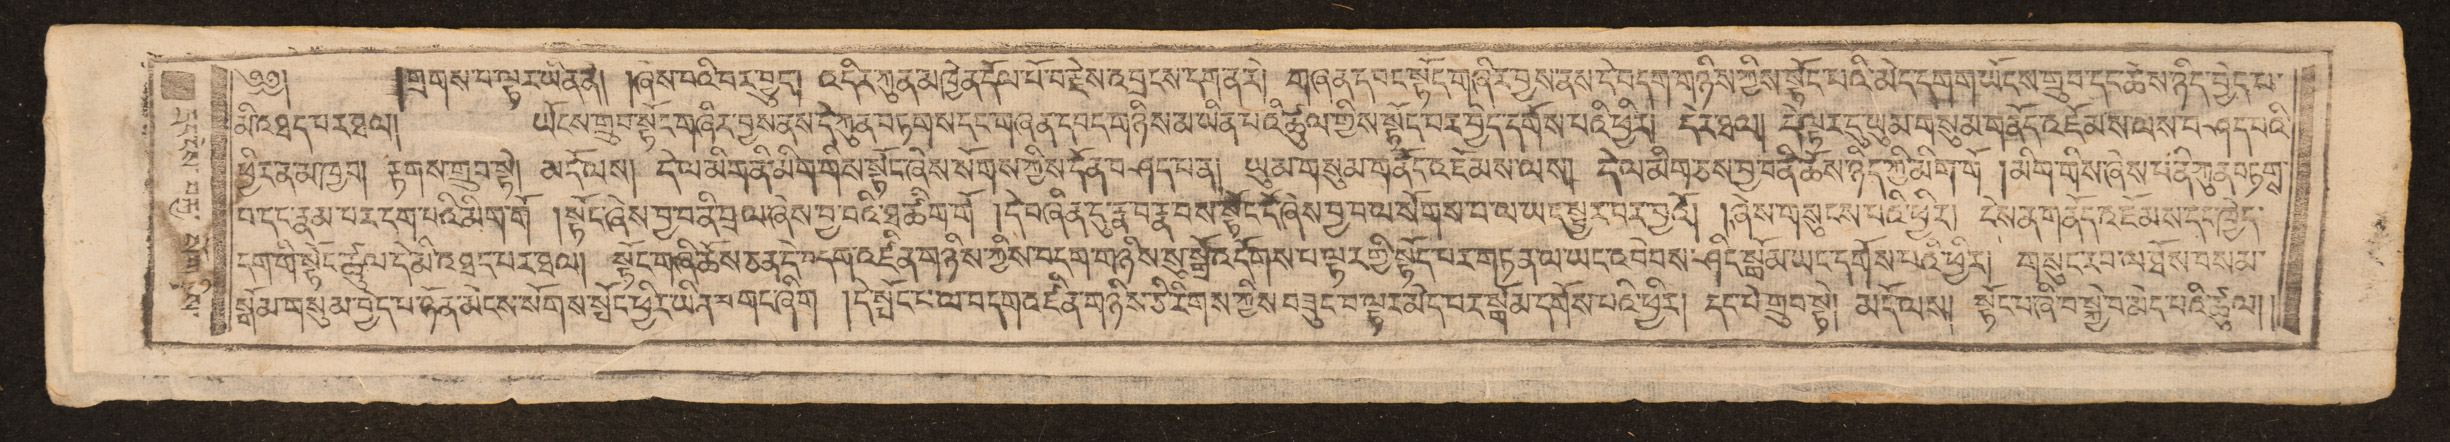༄༅། །གྲགས་པ་ལྟར་ཡིན་ནོ། །ཞེས་པའི་བར་བྱུང་། འདིར་ཀུན་མཁྱེན་ངོལ་བོ་བ་རྗེས་འབྲངས་དག་ན་རེ། གཞན་དབང་སྟོང་གཞིར་བྱས་ནས་དེ་བདག་གཉིས་ཀྱིས་སྟོང་པའི་མེད་དགག་ཡོངས་གྲུབ་དང་ཆོས་ཉིད་བྱེད་པ་
མི་འཐད་པར་ཐལ། ཡོངས་གྲུབ་སྟོང་གཞིར་བྱས་ནས་དེ་ཀུན་བཏགས་དང་གཞན་དབང་གཉིས་མ་ཡིན་པའི་ཚུལ་གྱིས་སྟོང་བར་བྱེད་དགོས་པའི་ཕྱིར། དེར་ཐལ། དེ་ལྟར་དུ་ཡུམ་གསུམ་གནོད་འཇོམས་ལས་བཤད་པའི་
ཕྱིར་ན་མ་ཁྱབ། རྟགས་གྲུབ་སྟེ། མདོ་ལས། དེ་ལ་མིག་ནི་མིག་གིས་སྟོང་ཞེས་སོགས་ཀྱིས་དོན་བཤད་པ་ན། ཡུམ་གསུམ་གནོད་འཇོམས་ལས། དེ་ལ་མིག་ཅེས་བྱ་བ་ནི་ཆོས་ཉིད་ཀྱི་མིག་གོ །མིག་གིས་ཞེས་པ་ནི་ཀུན་བཏགས་
པ་དང་རྣམ་པར་དག་པའི་མིག་གོ །སྟོང་ཞེས་བྱ་བ་ནི་བྲལ་ཞེས་བྱ་བའི་ཐ་ཚིག་གོ །དེ་བཞིན་དུ་རྣ་བ་རྣ་བས་སྟོང་ངོ་ཞེས་བྱ་བ་ལ་སོགས་པ་ལ་ཡང་སྦྱར་བར་བྱའོ། །ཞེས་གསུངས་པའི་ཕྱིར། དེས་ན་གནོད་འཇོམས་དང་ཁྱེད་
དག་གི་སྟོང་ཚུལ་དེ་མི་འཐད་པར་ཐལ། སྟོང་གཞི་ཆོས་ཅན་དེ་བདག་འཛིན་གཉིས་ཀྱིས་བདག་གཉིས་སུ་སྒྲོ་འདོགས་པ་ལྟར་གྱི་སྟོང་པར་གཏན་ལ་ཡང་འབེབས་ཤིང་སྒོམ་ཡང་དགོས་པའི་ཕྱིར། གསུང་རབ་ལ་ཐོས་བསམ་
སྒོམ་གསུམ་བྱེད་པ་ཉོན་མོངས་སོགས་སྤོང་ཕྱིར་ཡིན་པ་གང་ཞིག །དེ་སྤོང་པ་ལ་བདག་འཛིན་གཉིས་ཅི་རིགས་ཀྱིས་བཟུང་བ་ལྟར་མེད་པར་སྒོམ་དགོས་པའི་ཕྱིར། དང་པོ་གྲུབ་སྟེ། མདོ་ལས། སྟོང་བ་ཞི་བ་སྐྱེ་བ་མེད་པའི་ཚུལ།།